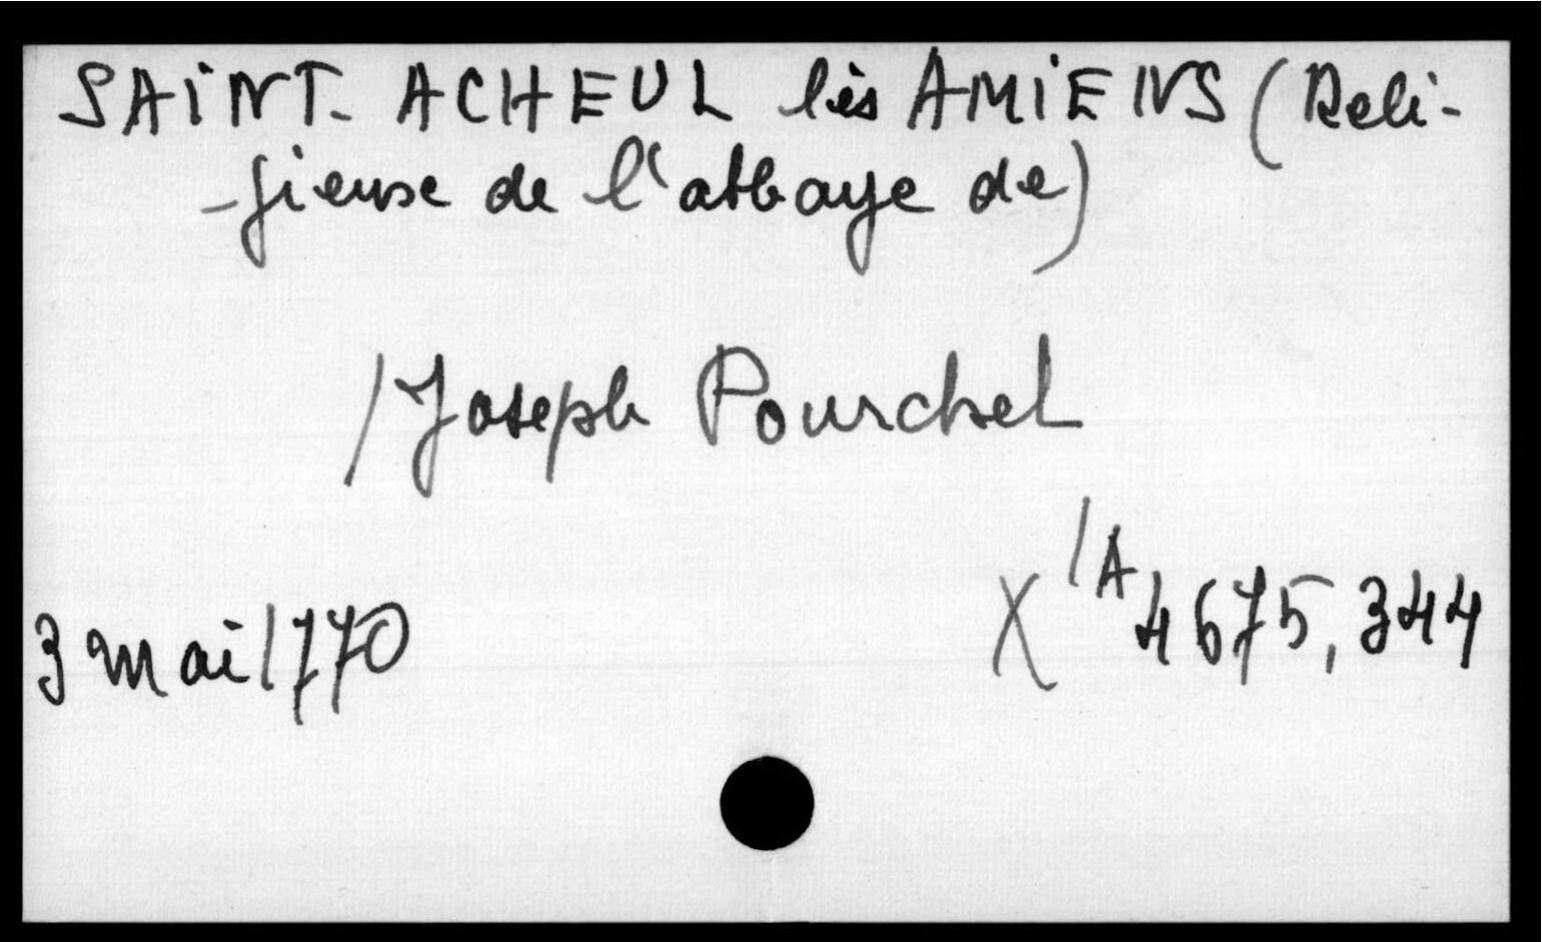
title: SAINT-ACHEUL lès AMIENS (Religieuse de l'abbaye de)
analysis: Contre Joseph Pourchel
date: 3 mai 1770
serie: X1A
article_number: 4675
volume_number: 344
